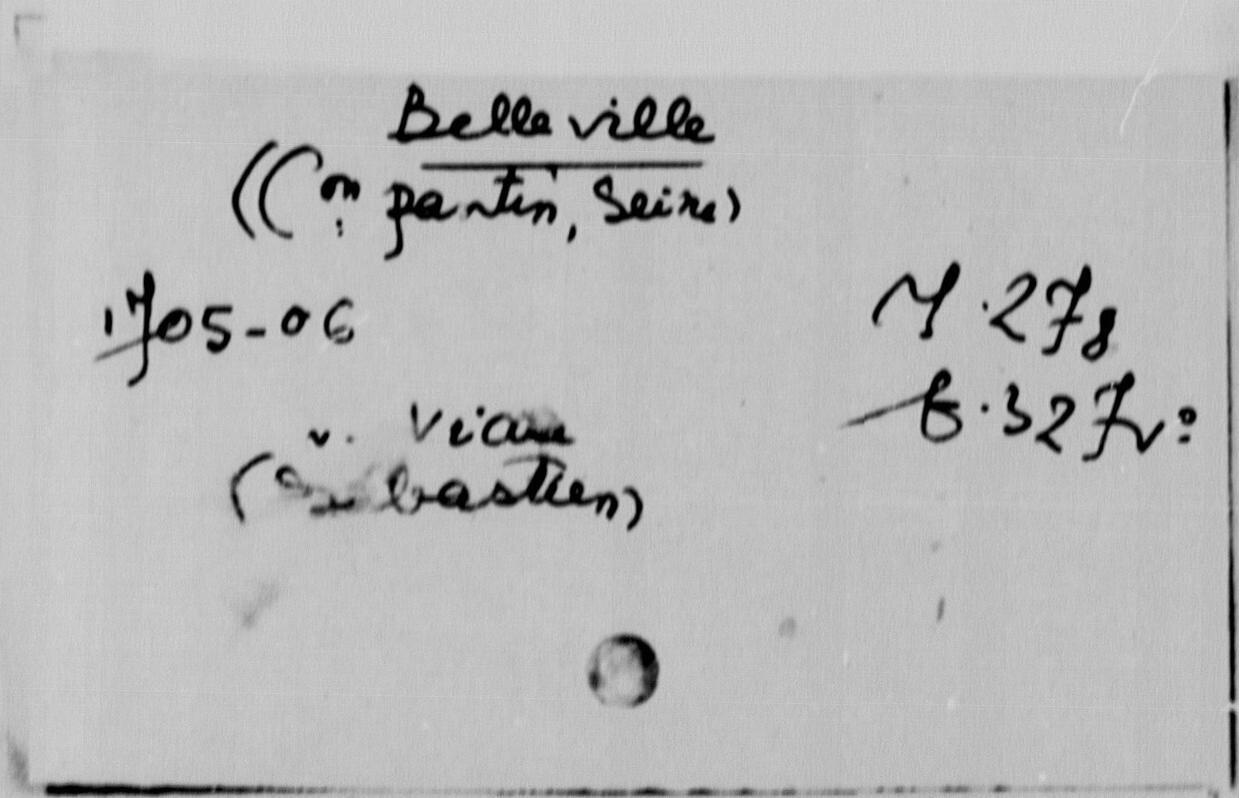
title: Belleville (Commune Pantin, Seine)
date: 1705-1706
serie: Y
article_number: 278
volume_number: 327v
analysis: Voir Vian (Sabastien)
